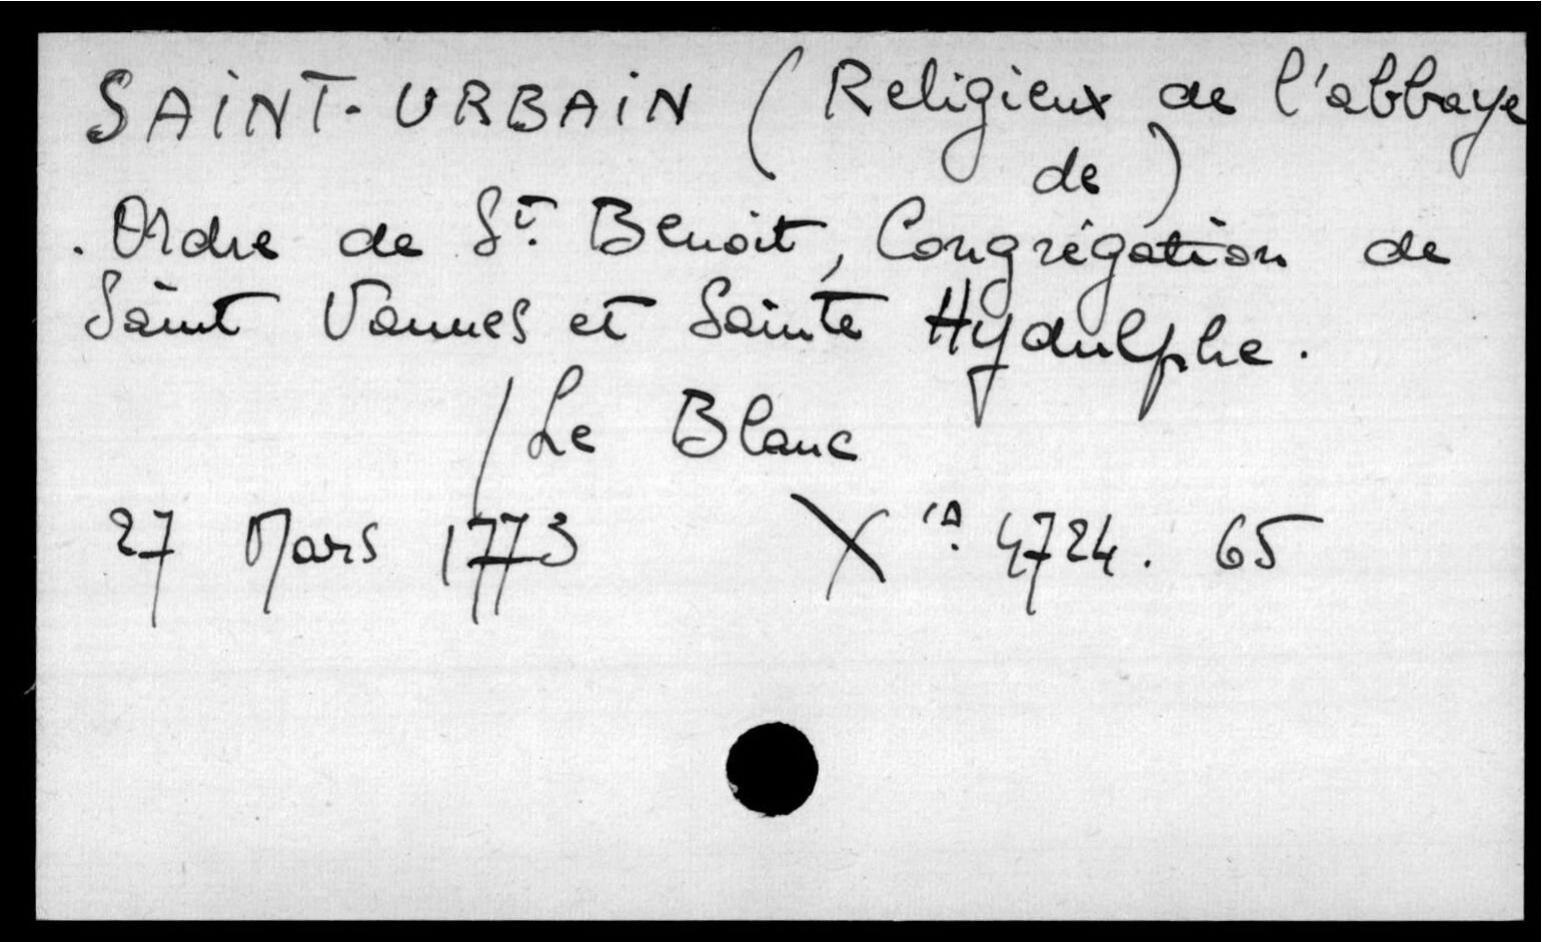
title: SAINT-URBAIN (Religieux de l'abbaye de Saint-Benoît, congrégation de Saint Vannes et Sainte Hydulphe
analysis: Contre Le Blanc
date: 27 mars 1773
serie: X1A
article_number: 4724
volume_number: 65
